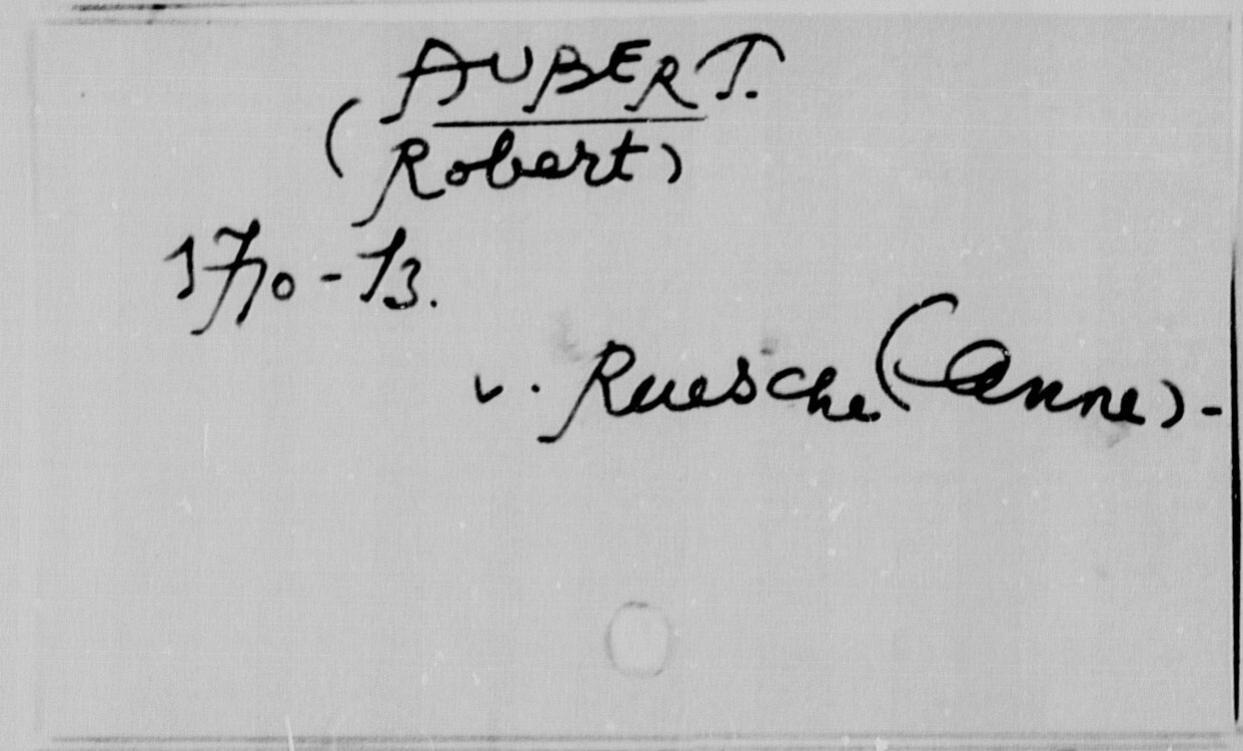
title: AUBERT (Robert)
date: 1710-1713
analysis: Voir RUESCHE (Anne)
